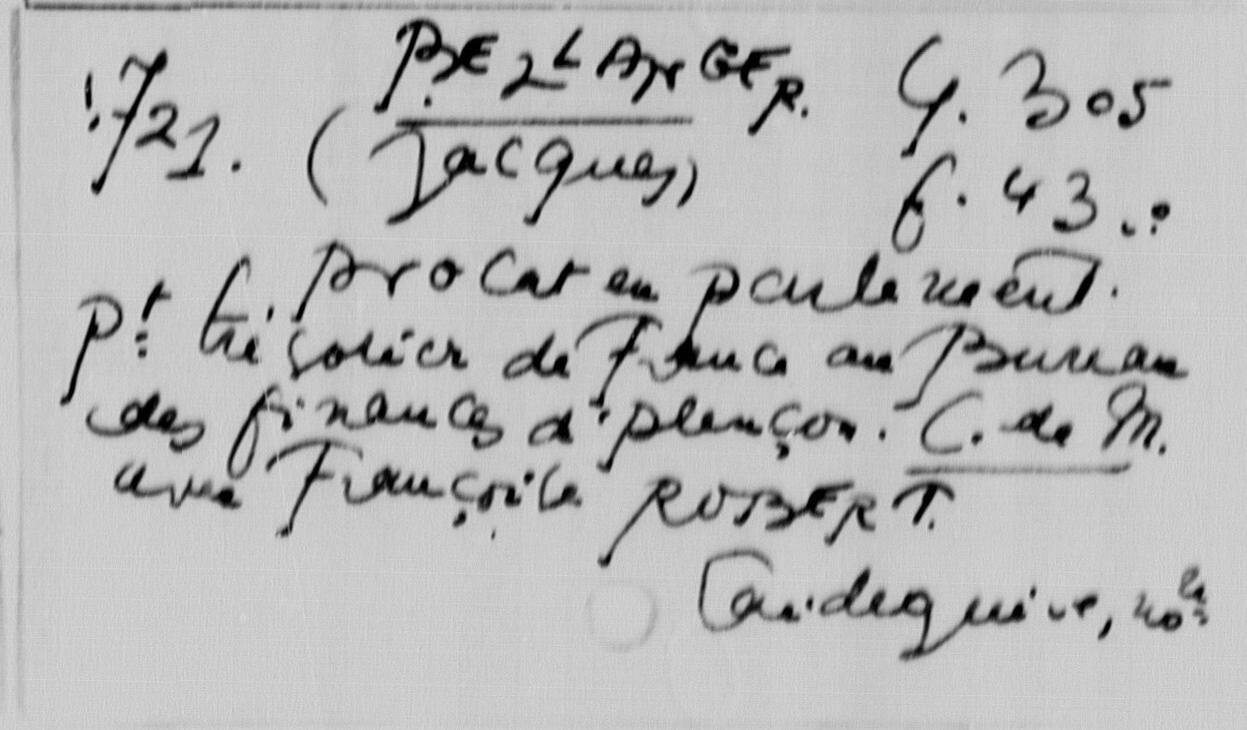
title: BELLANGER (Jacques)
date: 1721
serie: Y
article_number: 305
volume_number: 43v
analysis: Avocat en Parlement, trésorier de France au Bureau des finances d'Alençon. Contrat de mariage avec Françoise ROBERT. Laideguive, notaire.
